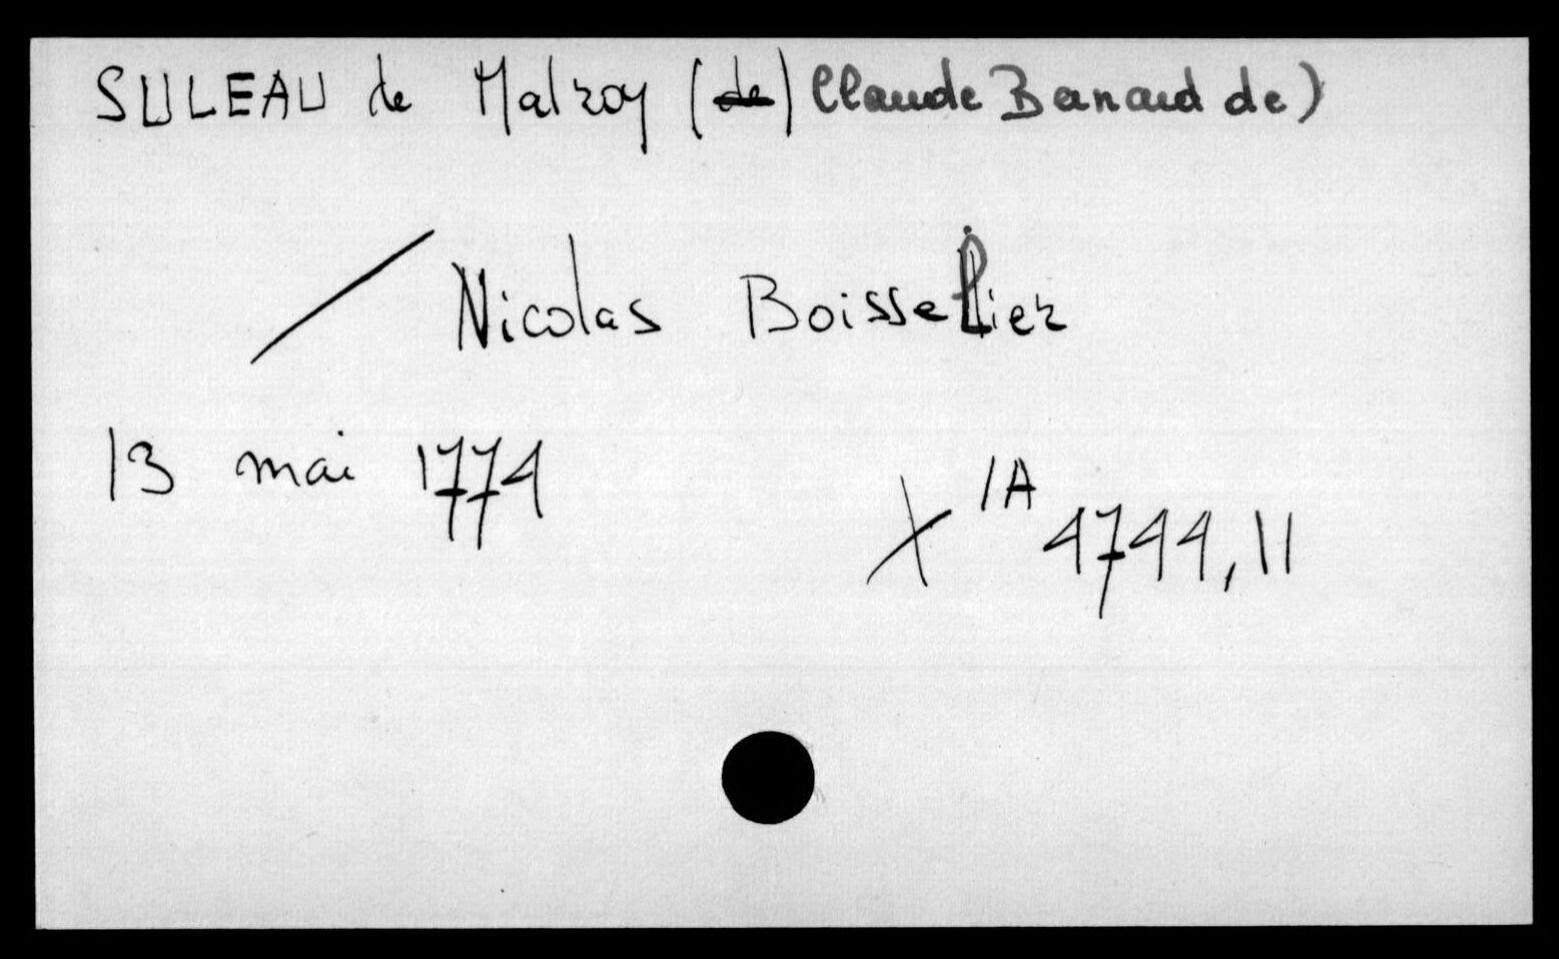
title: SULEAU de Malroy (Claude Bernard de)
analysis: Contre Nicolas Boissellier
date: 13 mai 1774
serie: X1A
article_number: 4744
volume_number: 11
